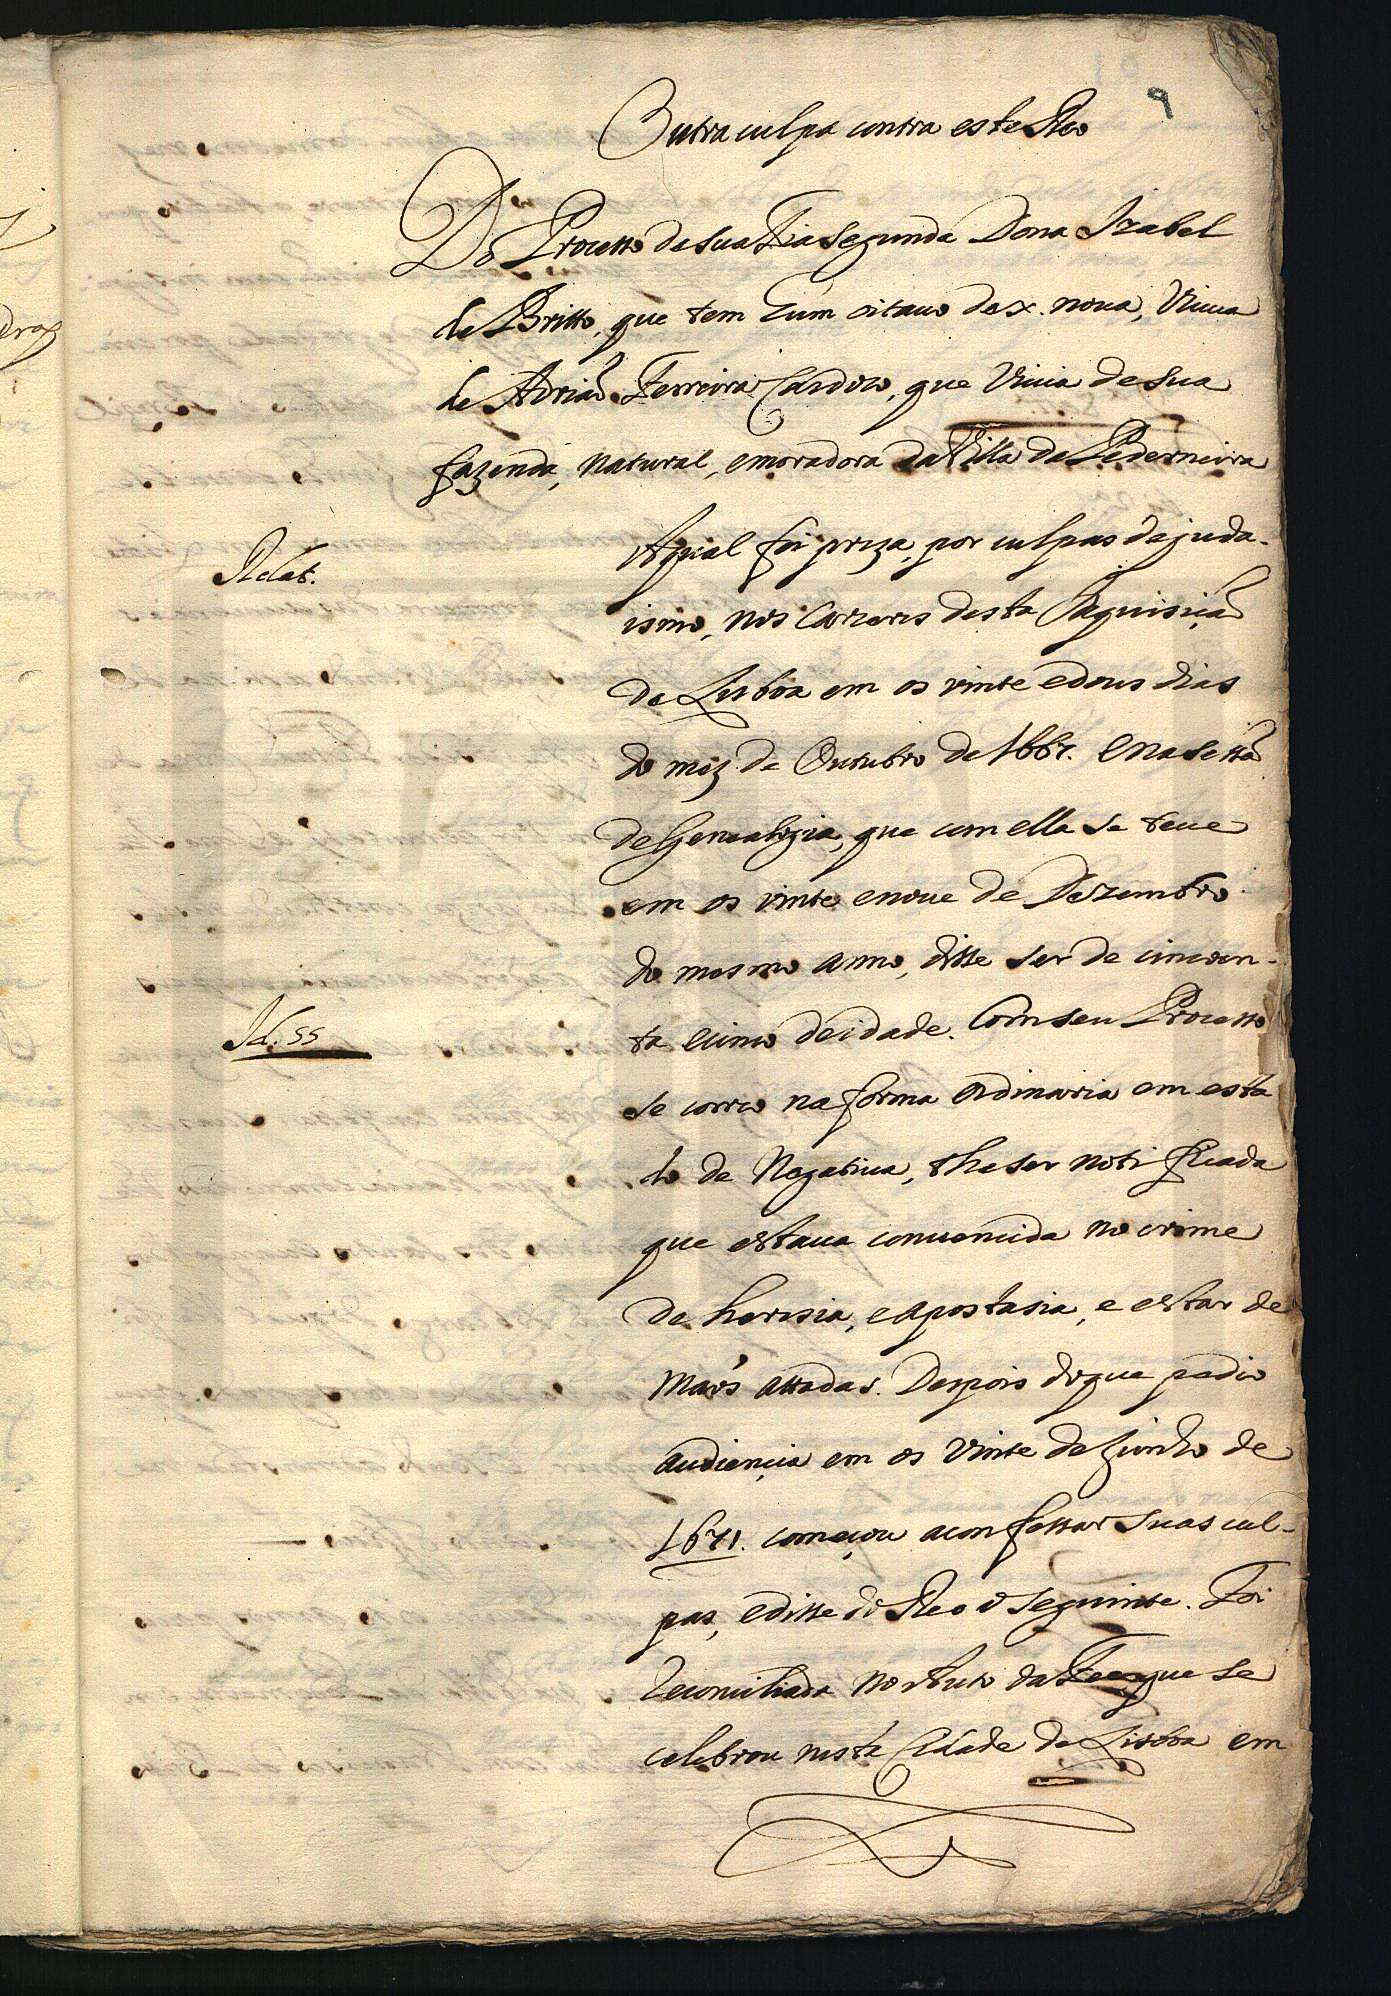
Outra culpa contra este Reo
Do Processo de sua Tia segunda Dona Izabel
de Britto, que tem hum oitauo de x. noua, viuua
de Adriaõ Ferreira Cardozo, que viuia de sua
fazenda, natural, e moradora da Villa da Pederneira
A qual foi preza, por culpas de juda
Relat.
ismo nos carceres desta Inquisiçaõ
de Lisboa em os vinte e dous dias
do mez de Outubro de 1667. e na sessaõ
de Genealogia, que com ella se teue
em os vinte e noue de Dezembro
do mesmo anno, disse ser de cincoen
ta e cinco de idade. Com seu Processo
Id. 55
se correo na forma ordinaria em esta
do de Negativa, the ser notificada
que estaua conuencida no crime
de heresia, e apostasia, e estar de
maõs attadas. Despois do que pedio
audiencia em os vinte de Junho de
1671. começou a confessar suas cul
pas, e disse do Reo o seguinte. Foi
Reconciliada no Auto da Fee que se
celebrou nesta Cidade de Lisboa em
